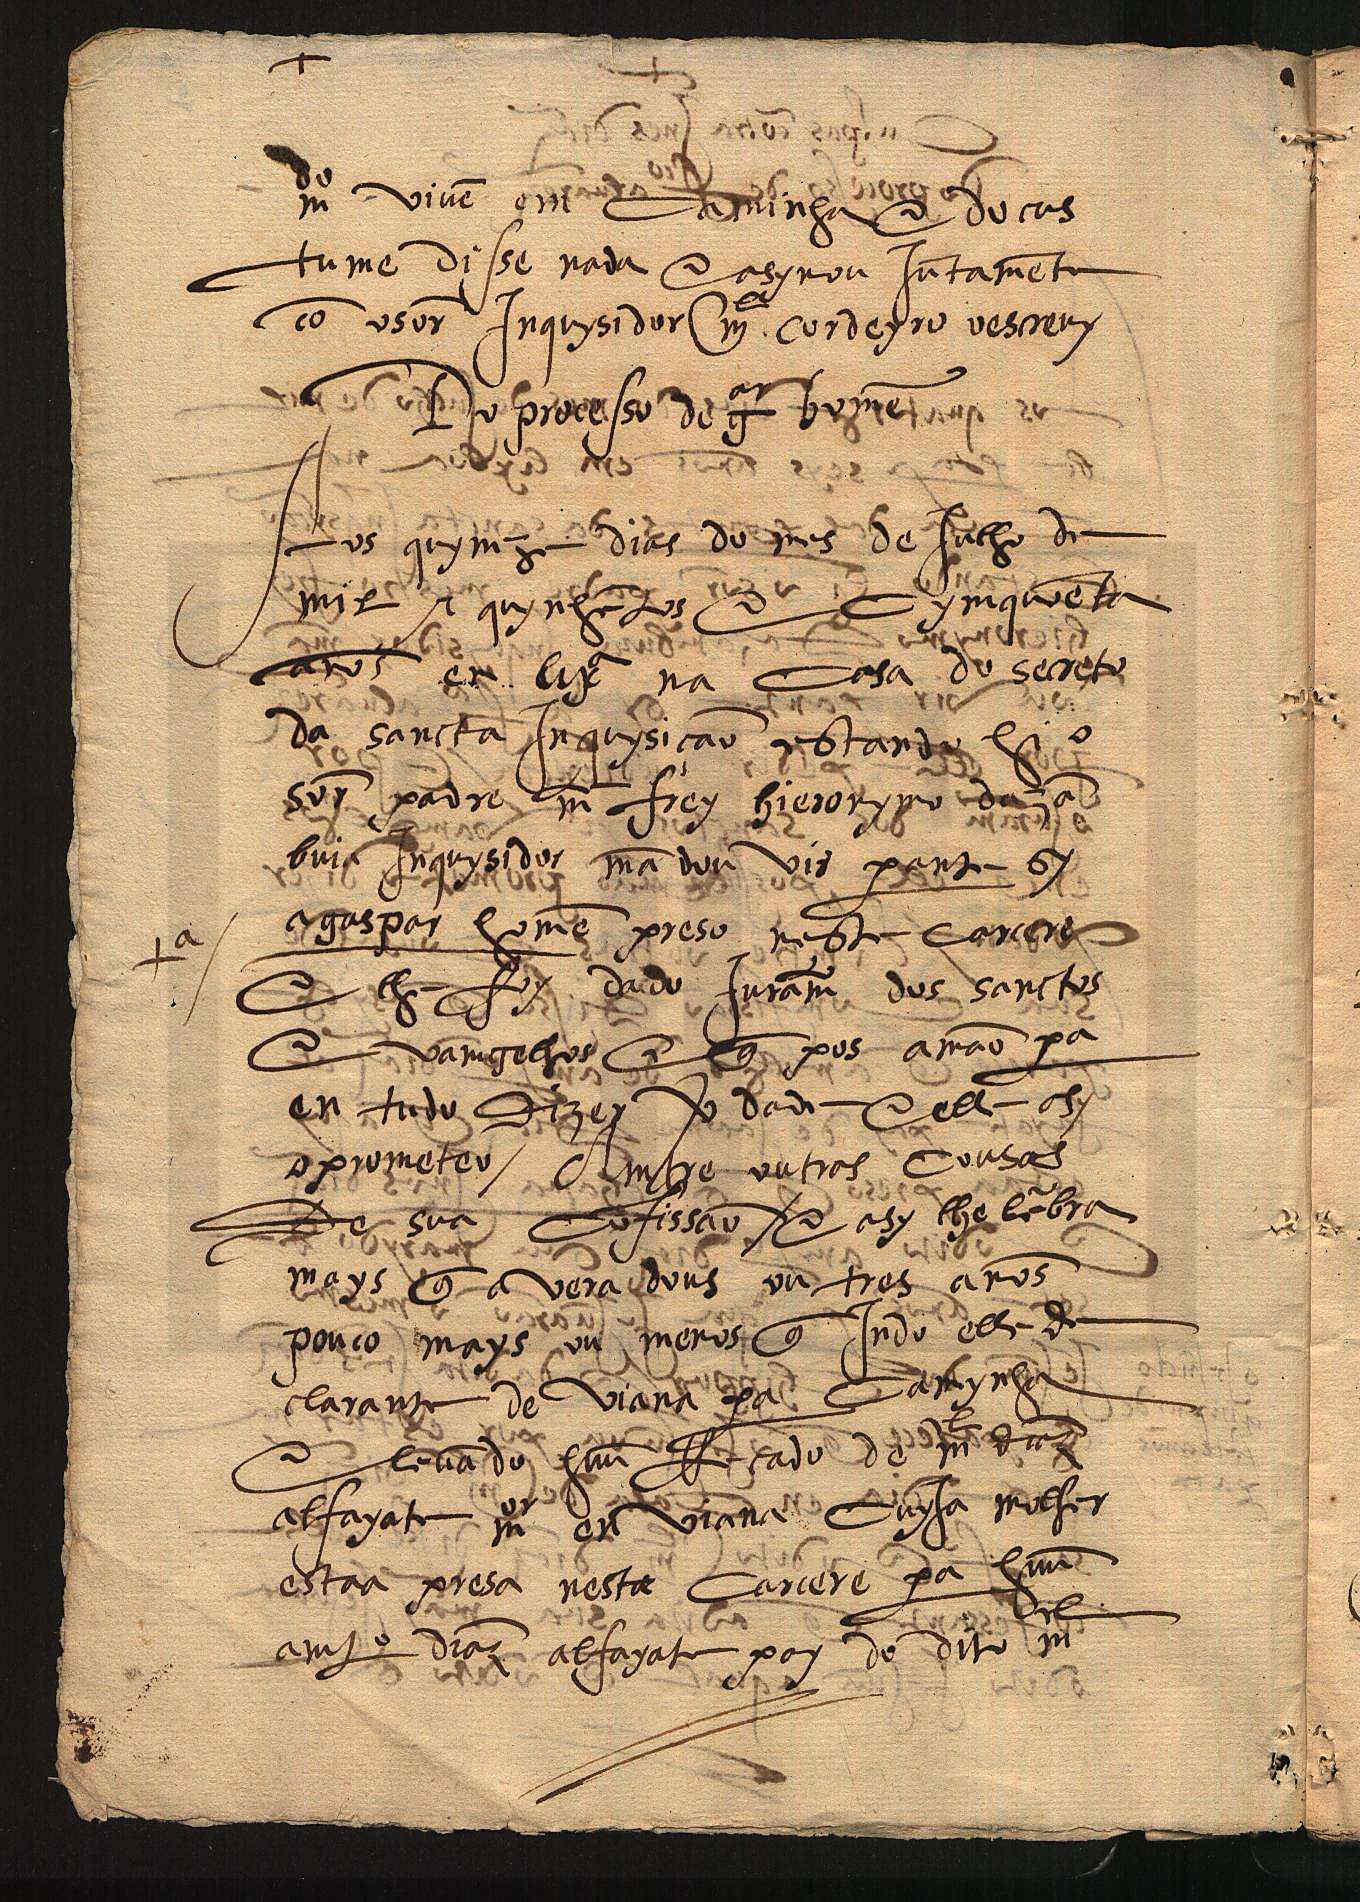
ta
m_o viuē em Caminha e do cus
tume disse nada e asynou Jūtamēte
cō o sōr Jnquysidor mel cordeyro o escreuy
Do processo de gar homē
Aos quymze dias do mes de Julho de
miL e quynhētos e Cymquoēta
an̄os em lixa na Casa do secreto
da sancta Jnquysição estando hi o
sōr padre mte frey hieronymo dazā
buia Jnquysidor mādou vir ꝑante sy
a gaspar homē preso neste carcere
e lhe foy dado Juramto dos sanctos
evamgelhos ē q̄ pos a mão ꝑa
en tudo dizer Ꝟdade e elle asy
o prometeo / Amtre outras cousas
De sua Co̅fissão / e asy lhe lēbra
mays q̄ avera dous ou tres an̄os
pouco mays ou menos q̄ Jndo elle de
clarante de viana ꝑa Camynha
e leuādo huū Recado de mel diaz
alfayate mor en viana CuyJa molher
estaa presa neste Carcere ꝑa huū
amto diaz alfayate pay do dito mel
